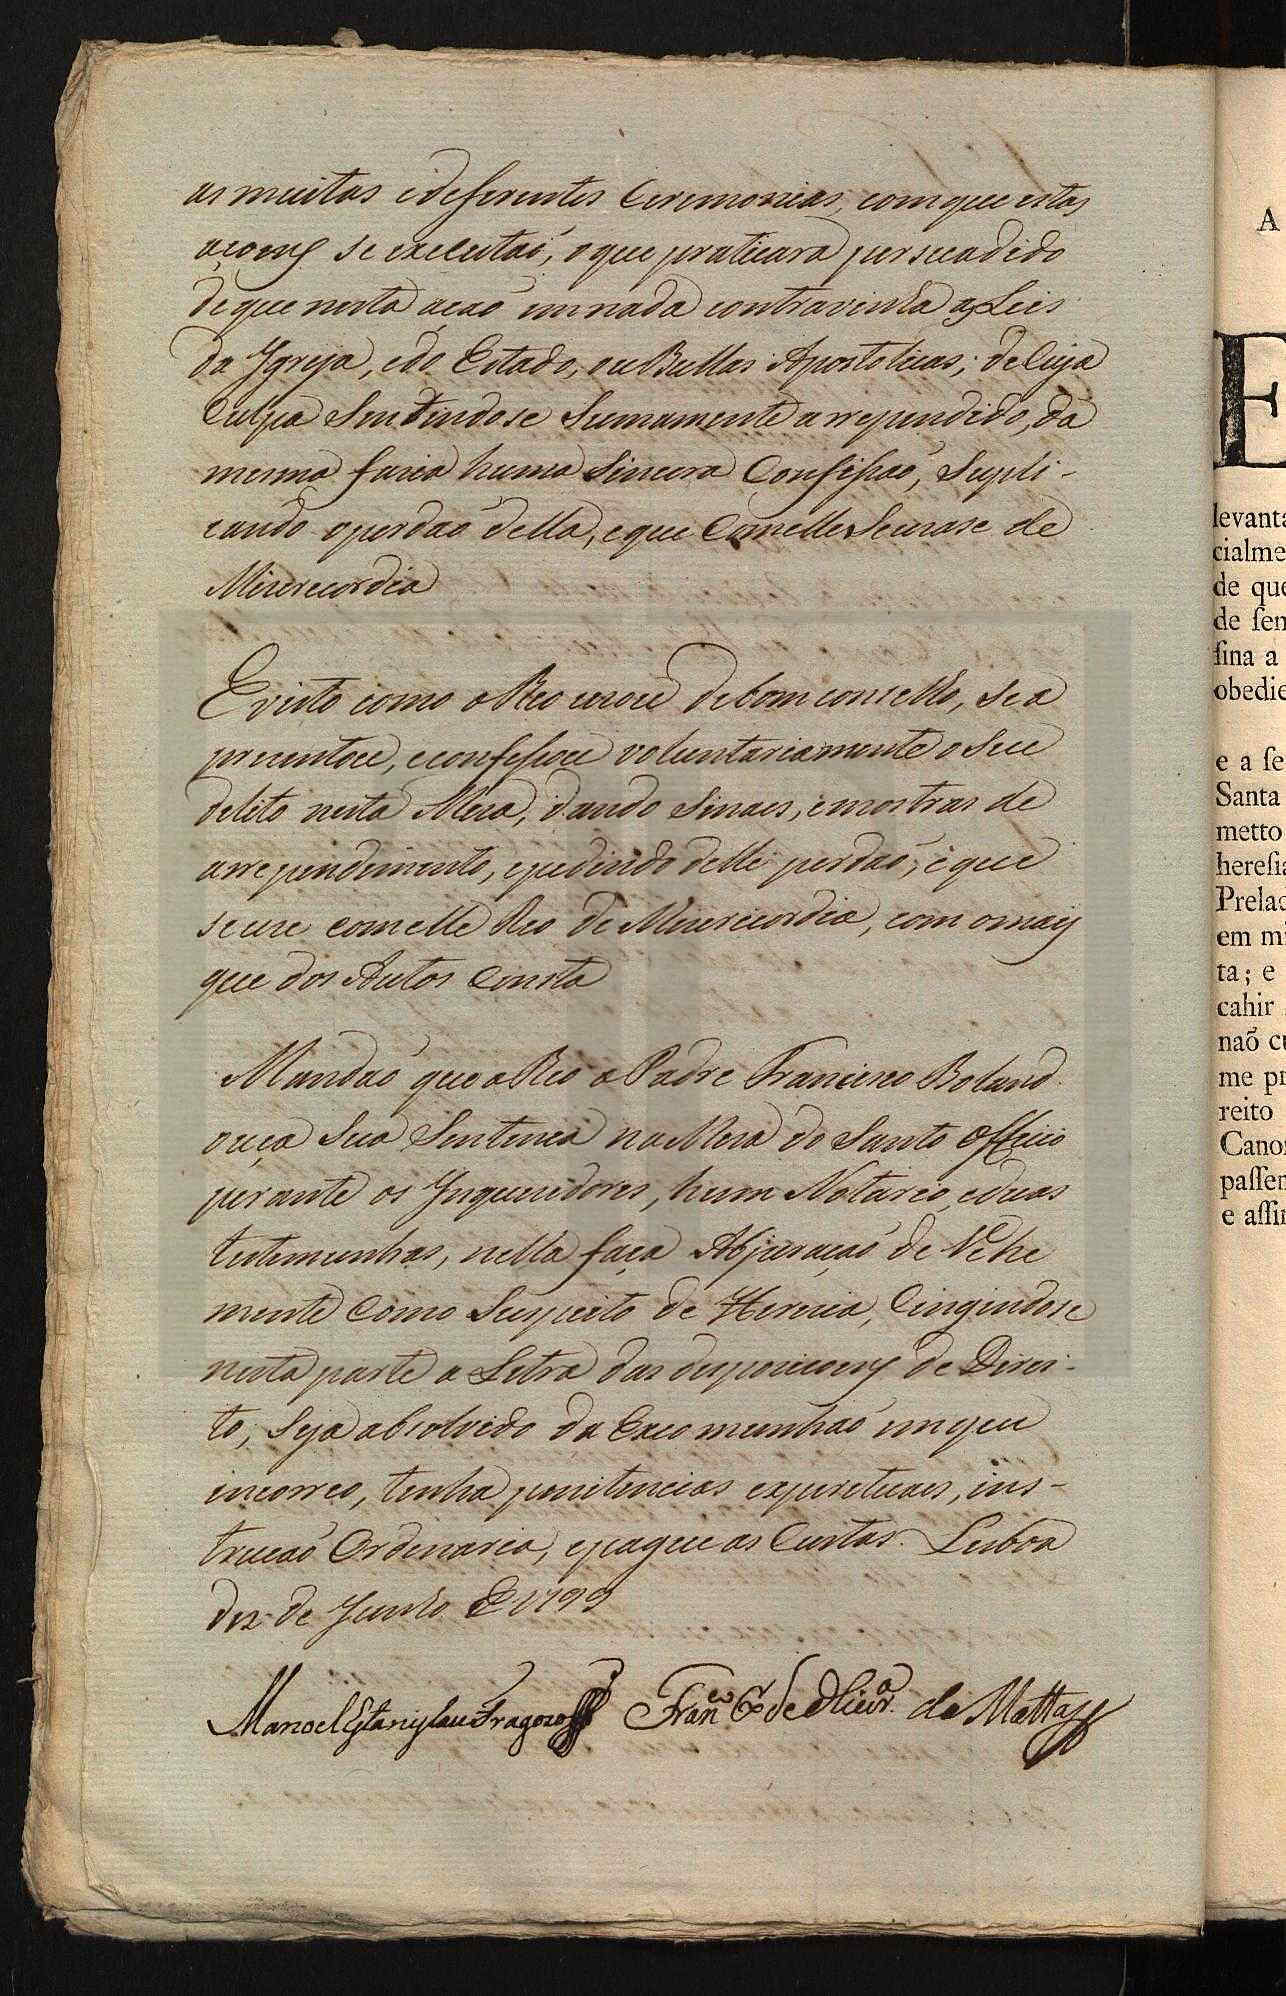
as muitas e diferentes Ceremonias, com que estas
açoens se executaõ, o que praticara persuadido
de que nesta açaõ em nada contravinha as Leis
da Jgreja, e do Estado, ou Bullas Apostolicas; de Cuja
Culpa Sentindose sumamente arrependido, da
mesma fazia huma sincera confissaõ, supli
cando o perdaõ della, e que com elle se uzase de
Mizerecordia
E visto como o Reo uzou de bom conselho, se a
prezentou, e confessou voluntariamente o seu
delito nesta Meza, dando sinaes, e mostras de
arrependimento, e pedindo delle perdaõ, e que
se uze com elle Reo de Misericordia, com o mais
que dos Autos consta
Mandaõ que o Reo o Padre Francisco Boland
ouça sua Sentença na Mesa do Santo Officio
perante os Jnquisidores, hum Notario, e duas
testemunhas, nella faça Abjuraçaõ de Vehe
mente como suspeito de Herezia, Cingindose
nesta parte a Letra das dispozicoens de Direi
to, seja absolvido da Excomunhaõ em que
incorreo, tenha penitencias experituais, ins
trucaõ Ordinaria, e pague as Custas. Lisboa
dez de Junho d̄ 1799
Manoel Estanislau Fragozo Fran.co X.r de Olivr.a da Matta
